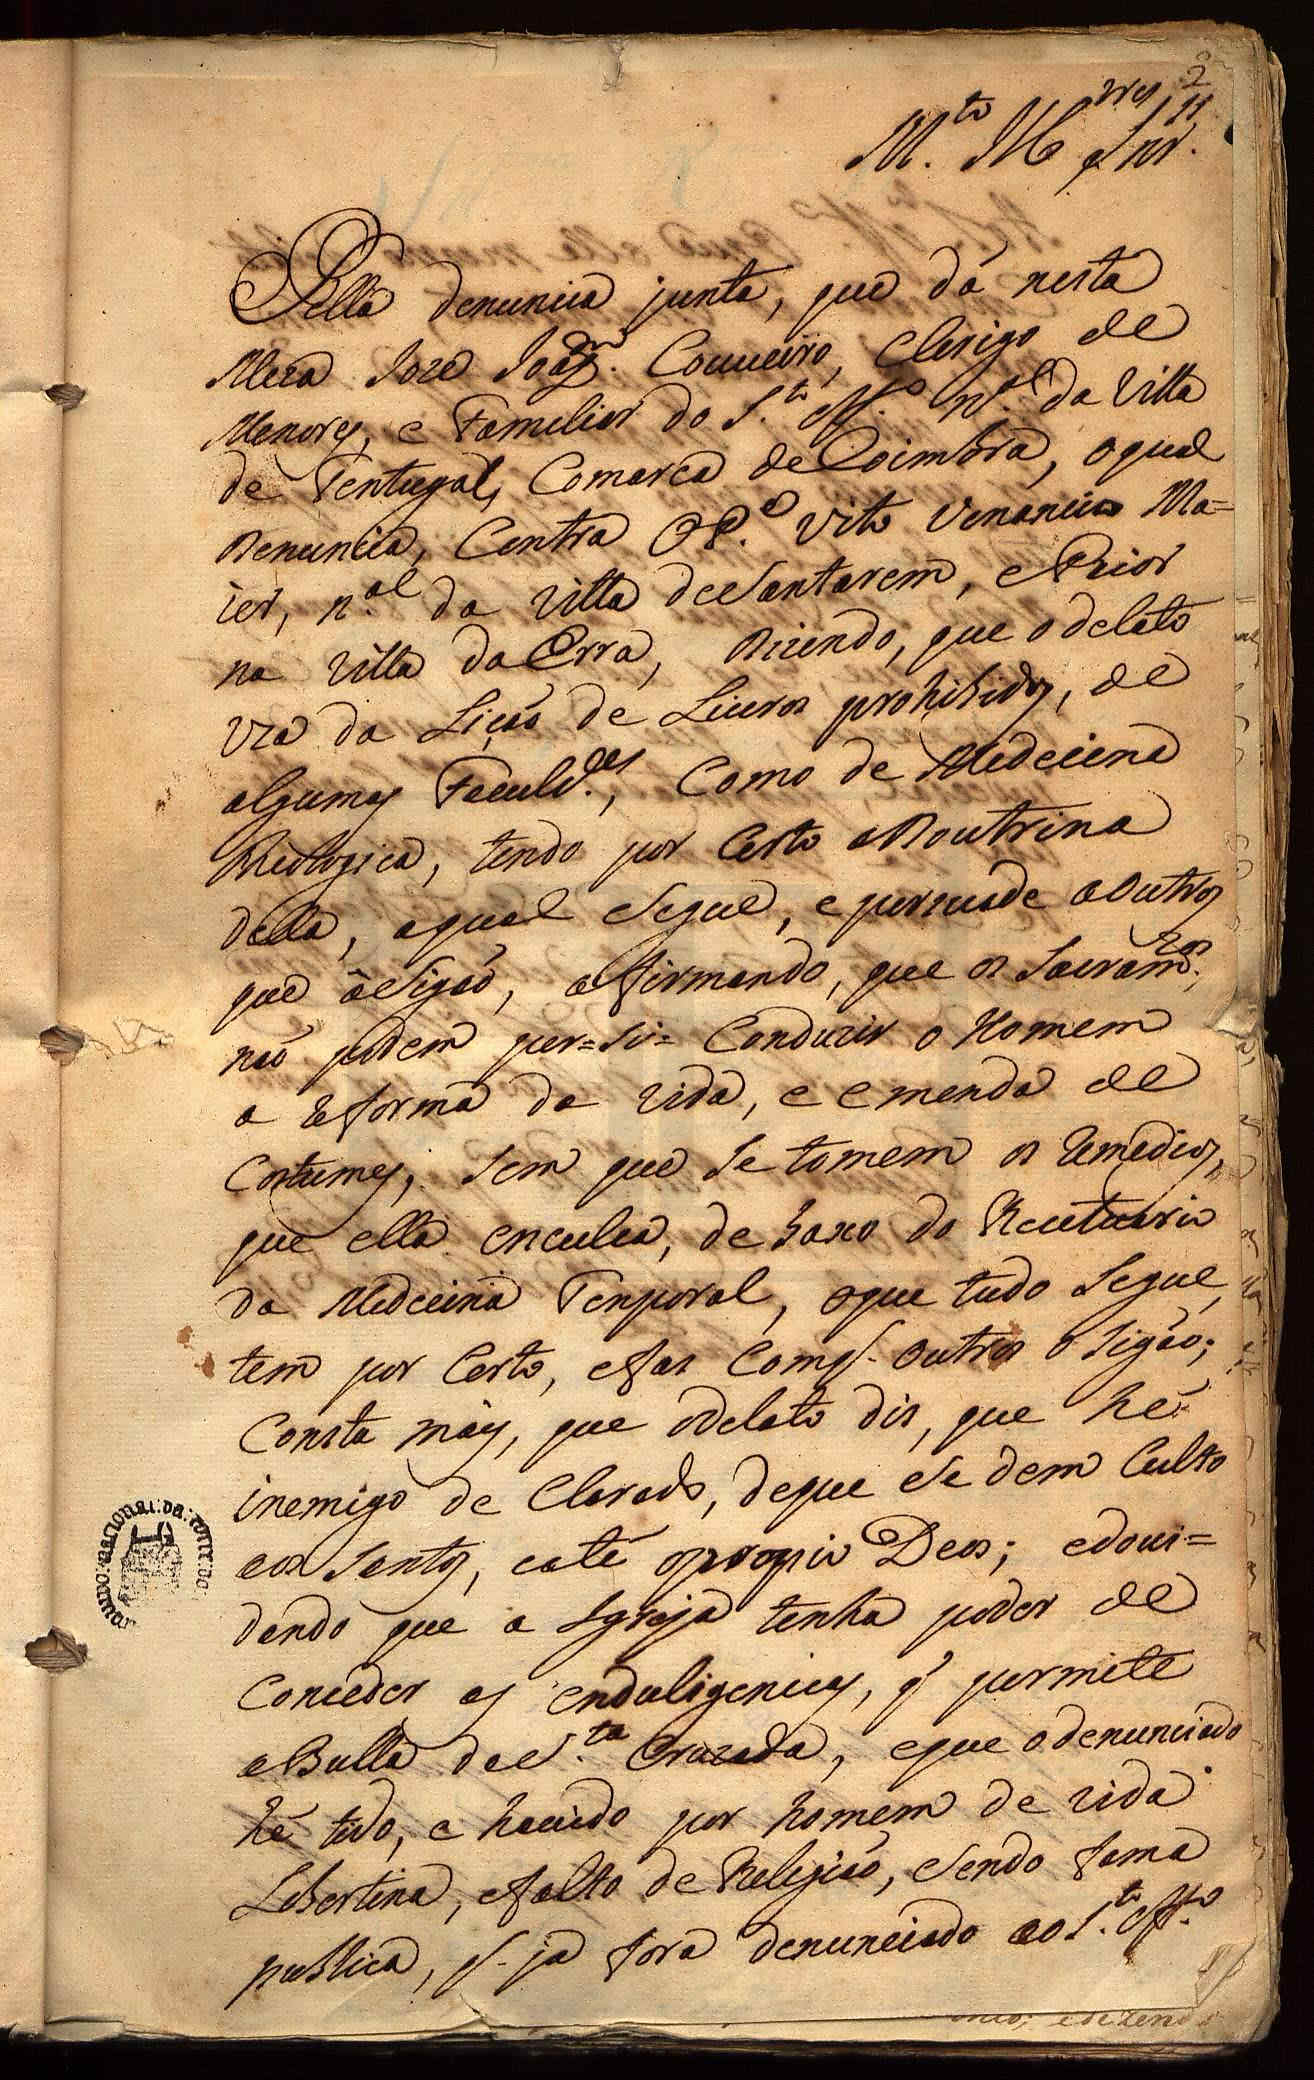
M.to Ill.res Snr.es
Pella denuncia junta, que dá nesta
Meza Ioze Ioaq.m Couueiro, clerigo de
Menores, e Familiar do S.to off.o n.al da Villa
de Tentugal, Comarca de Coimbra, o qual
denuncia, Contra O P.e vito venancio Ma
ier, n.al da villa de Santarem, e Prior
na villa da Erra, dizendo, que o delato
uza da Liçaõ de Liuros prohibidos, de
algumas Feculd.es, Como de Medecina
Theologica, tendo por certo a doutrina
della, a qual segue, e persuade a outros
que a Sigaõ, afirmando, que os Sacram.tos,
naõ podem per-si= conduzir o Homem
a Reforma da vida, e emenda de
costumes, sem que se tomem os Remedios,
que ella enculca, debaxo do Recetuario
da Medecina Tenporal, o que tudo segue,
tem por certo, e fas com q̄. outros o sigaõ,
Consta mais, que o delato dis, que hé
enemigo declarado, de que se dem Culto
ao santos, e até o proprio Deos; e doui
dando que a Igreja tenha poder de
conceder as enduligencias, q̄ permite
a Bulla de S.ta Cruzada, e que o denunciado
hé tido, e hauido por homem de vida
Lebertina, e falto de Religiaõ, sendo fama
publica, q̄ ja fora denunciado ao s.o off.o
